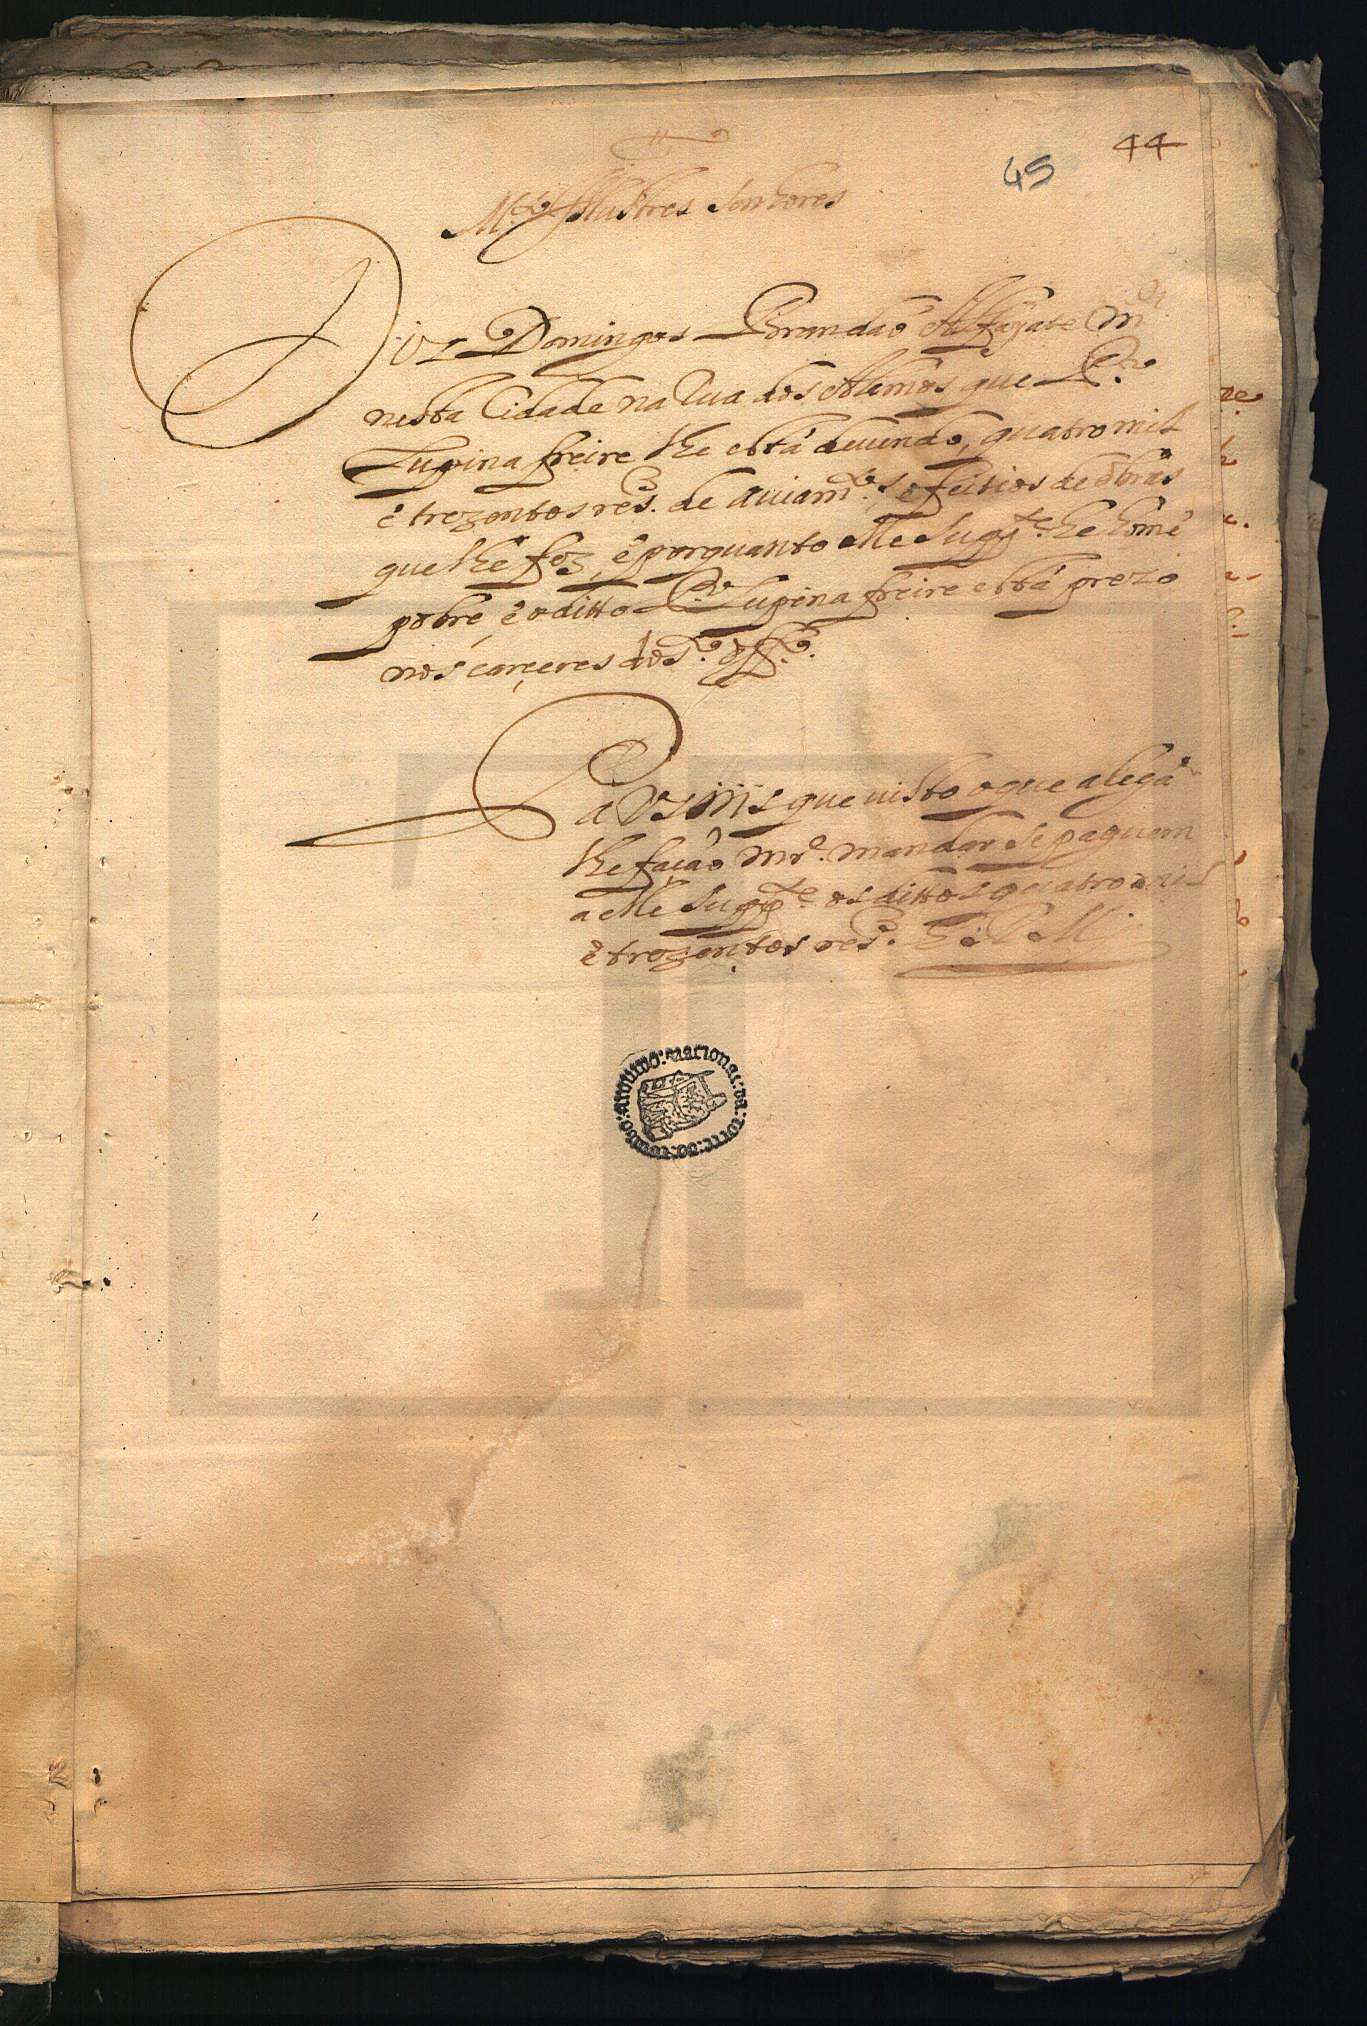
44
M.to Jllustres Senhores
Diz Domingos Brandaõ Alfayate mor.
nesta Cidade na Rua dos Alamos que P.o
Lupina freire lhe está deuendo, quatro mil
e trezentos rēs de auiam.tos, e feitios de obras
que lhe fez, e porquanto elle supp.te he homē
pobre, e o ditto P.o Lupina freire está prezo
nos carceres do s.to off.o.
P a vs m̄s que uisto o que alegā
lhe façaõ mr.e mandar se paguem
a elle supp.te os dittos quatro mil
e trezentos ors̄. E R M
